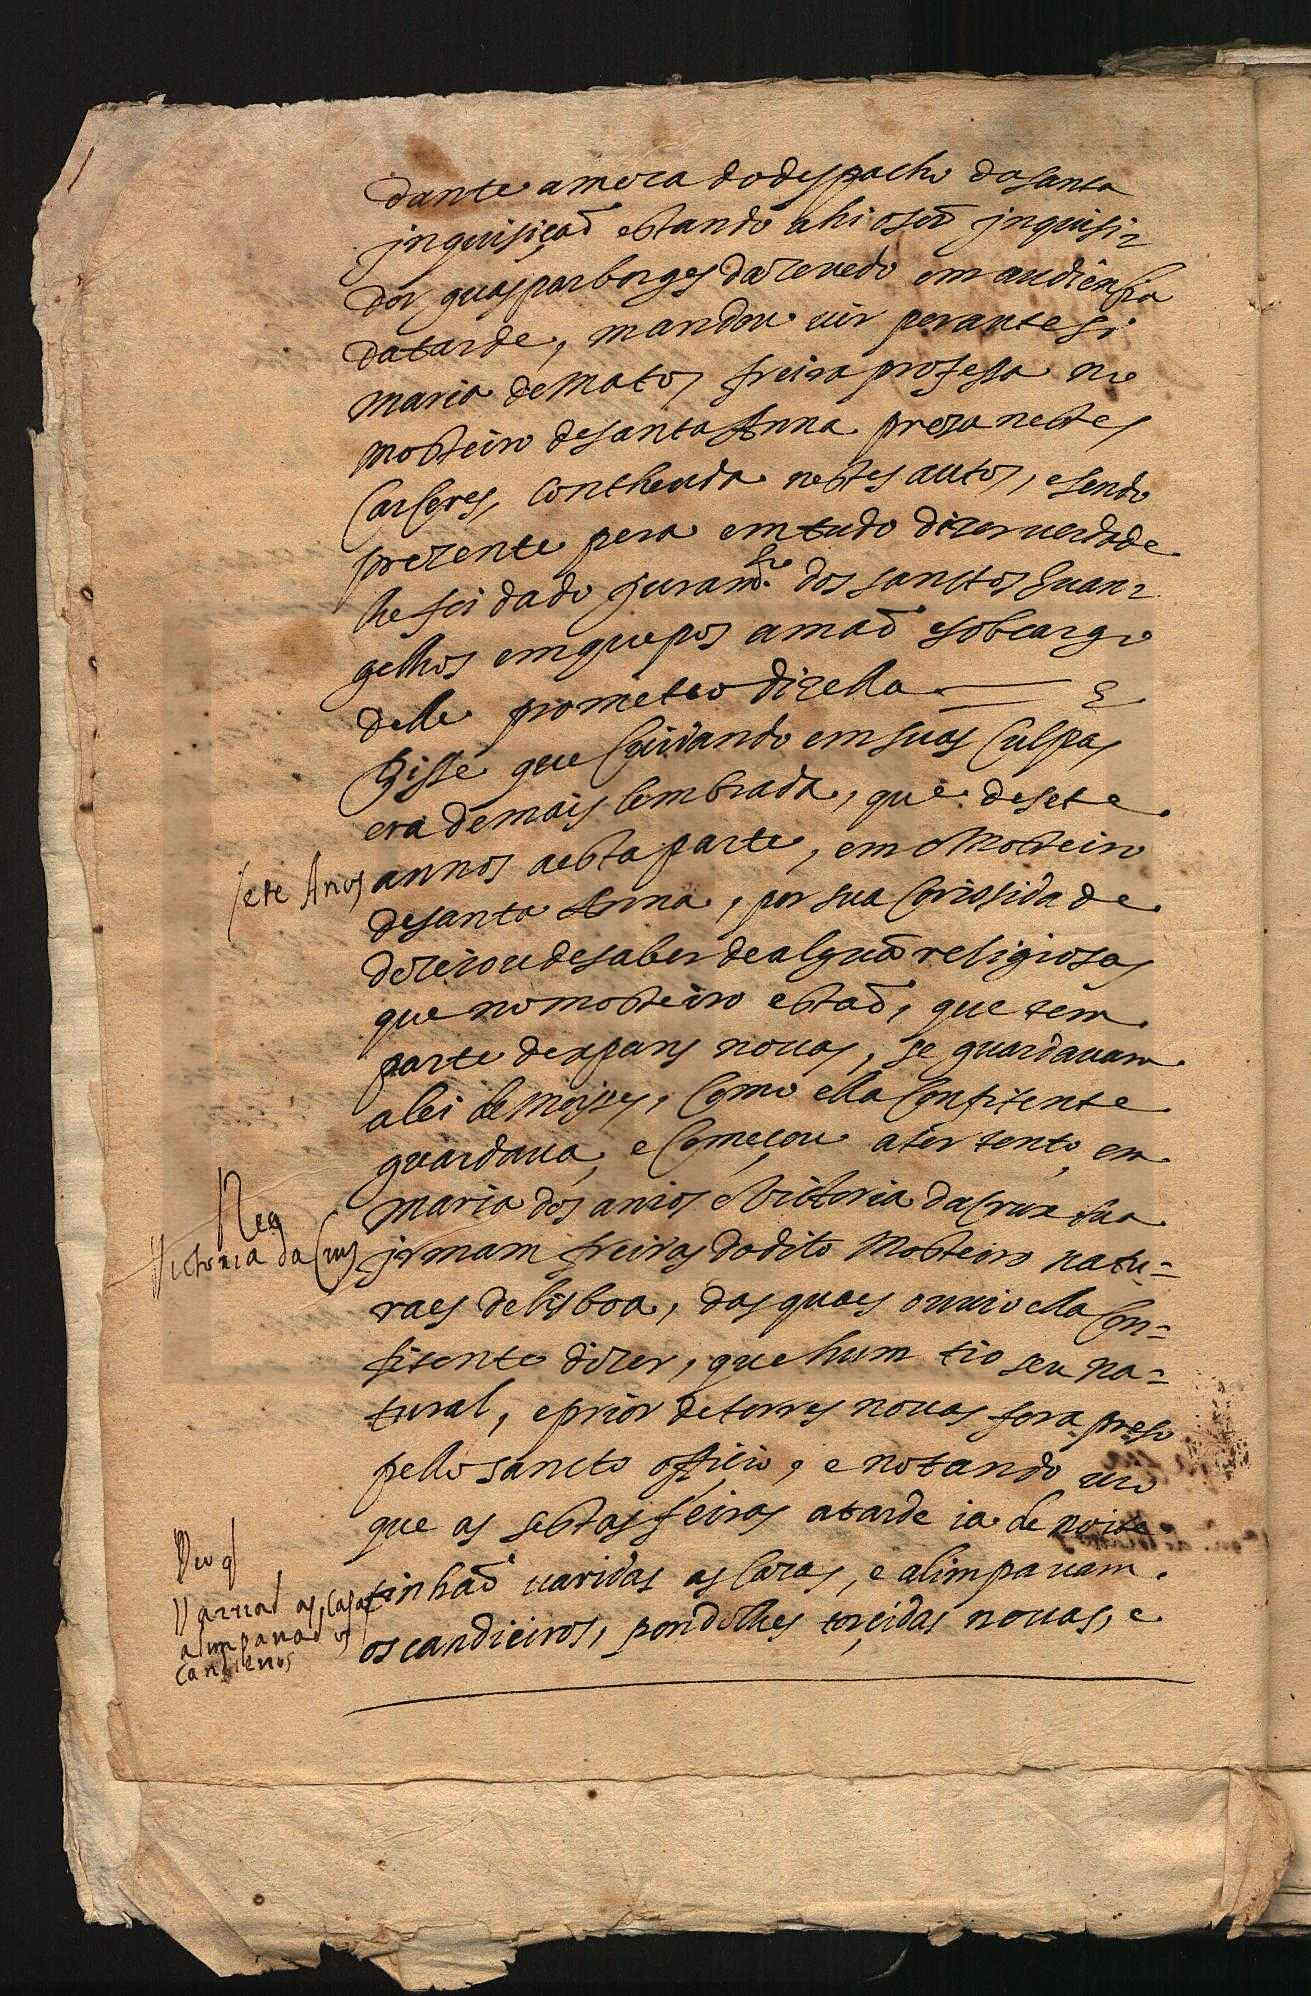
dante a meza do despacho da santa
jnquisição estando ahi o so̅r jnquisi
dor guaspar borges dazeuedo em audiênCia
da tarde, mandou uir perante si
maria de matos freira professa no
mosteiro de santa Anna preza nestes
CarCeres, contheuda nestes autos, e sendo
prezente pera em tudo dizer uerdade
lhe foi dado juram.to dos sanctos Euan
gelhos em que pos a maõ e sob cargo
delle prometeo dizella E
Disse que Cuidando em suas Culpas
era demais lembrada, que de sete
annos a esta parte, em o mosteiro
de santa Anna, por sua Coriosidade
dezeiou de saber de algua̅ religiosas
que no mosteiro estão, que tem
parte de xpans nouas, se guardauam
a lei de moyses, Como ella Confitente
guardaua, e Começou a ter tento em
maria dos anios e Victoria da Crux sua
jrmam freiras do dito mosteiro natu
raes de lisboa, das quaes ouuio ella Con
fitente dizer, que hum tio seu na
tural, e prior de torres nouas fora preso
pello sancto offiçio, e notando uio
que as sestas feiras a tarde ia de noite
tinhão uaridas as Cazas, e alimpauam
os candieiros, pondolhes torçidas nouas, e
